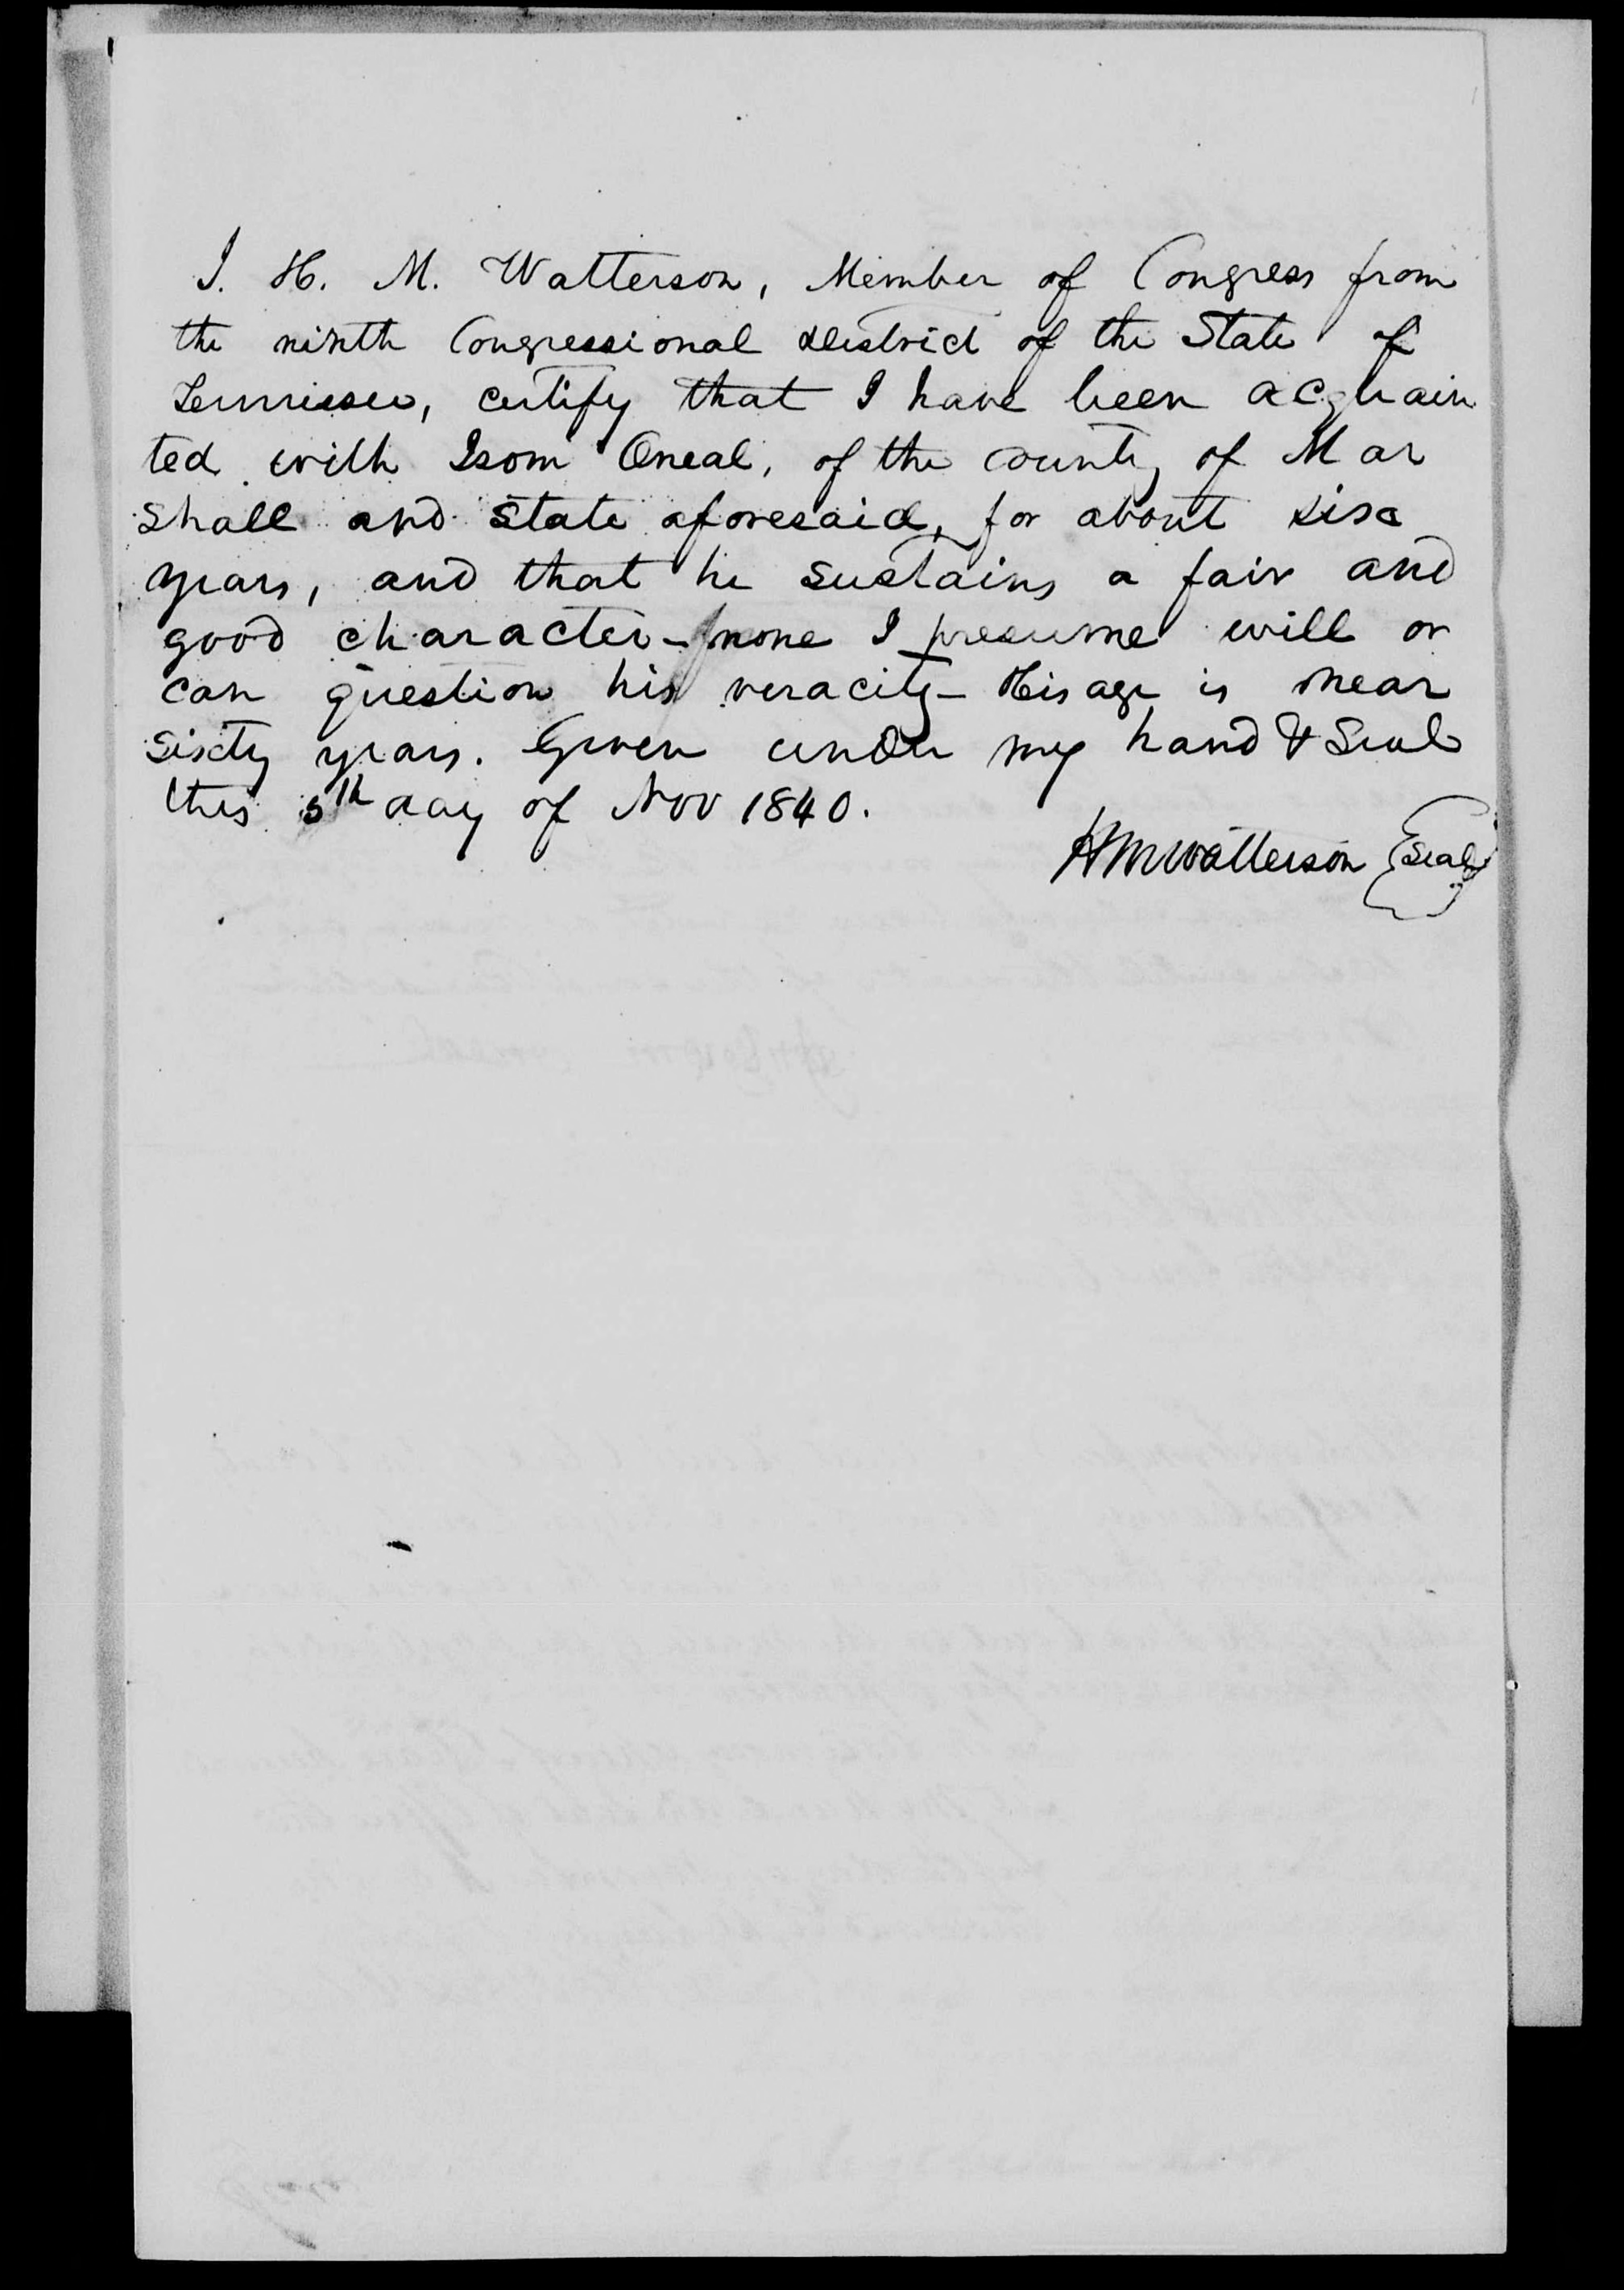I H. M. Watterson, Member of Congress from the ninth Congressional District of the State of Tennessee, certify that I have been acquainted with Isom Oneal, of the county of Marshall and state aforesaid, for about six years, and that he sustains a fair and good character - none I presume will or can question his veracity - his age is near sixty years. Given under my hand & seal this 5th day of Nov. 1840
[Signature]
H. M. Watterson [seal]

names: Isom Oneal; H M Walterson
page: 17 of 33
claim: widow's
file: W. 52, for Randolph Moore, North Carolina